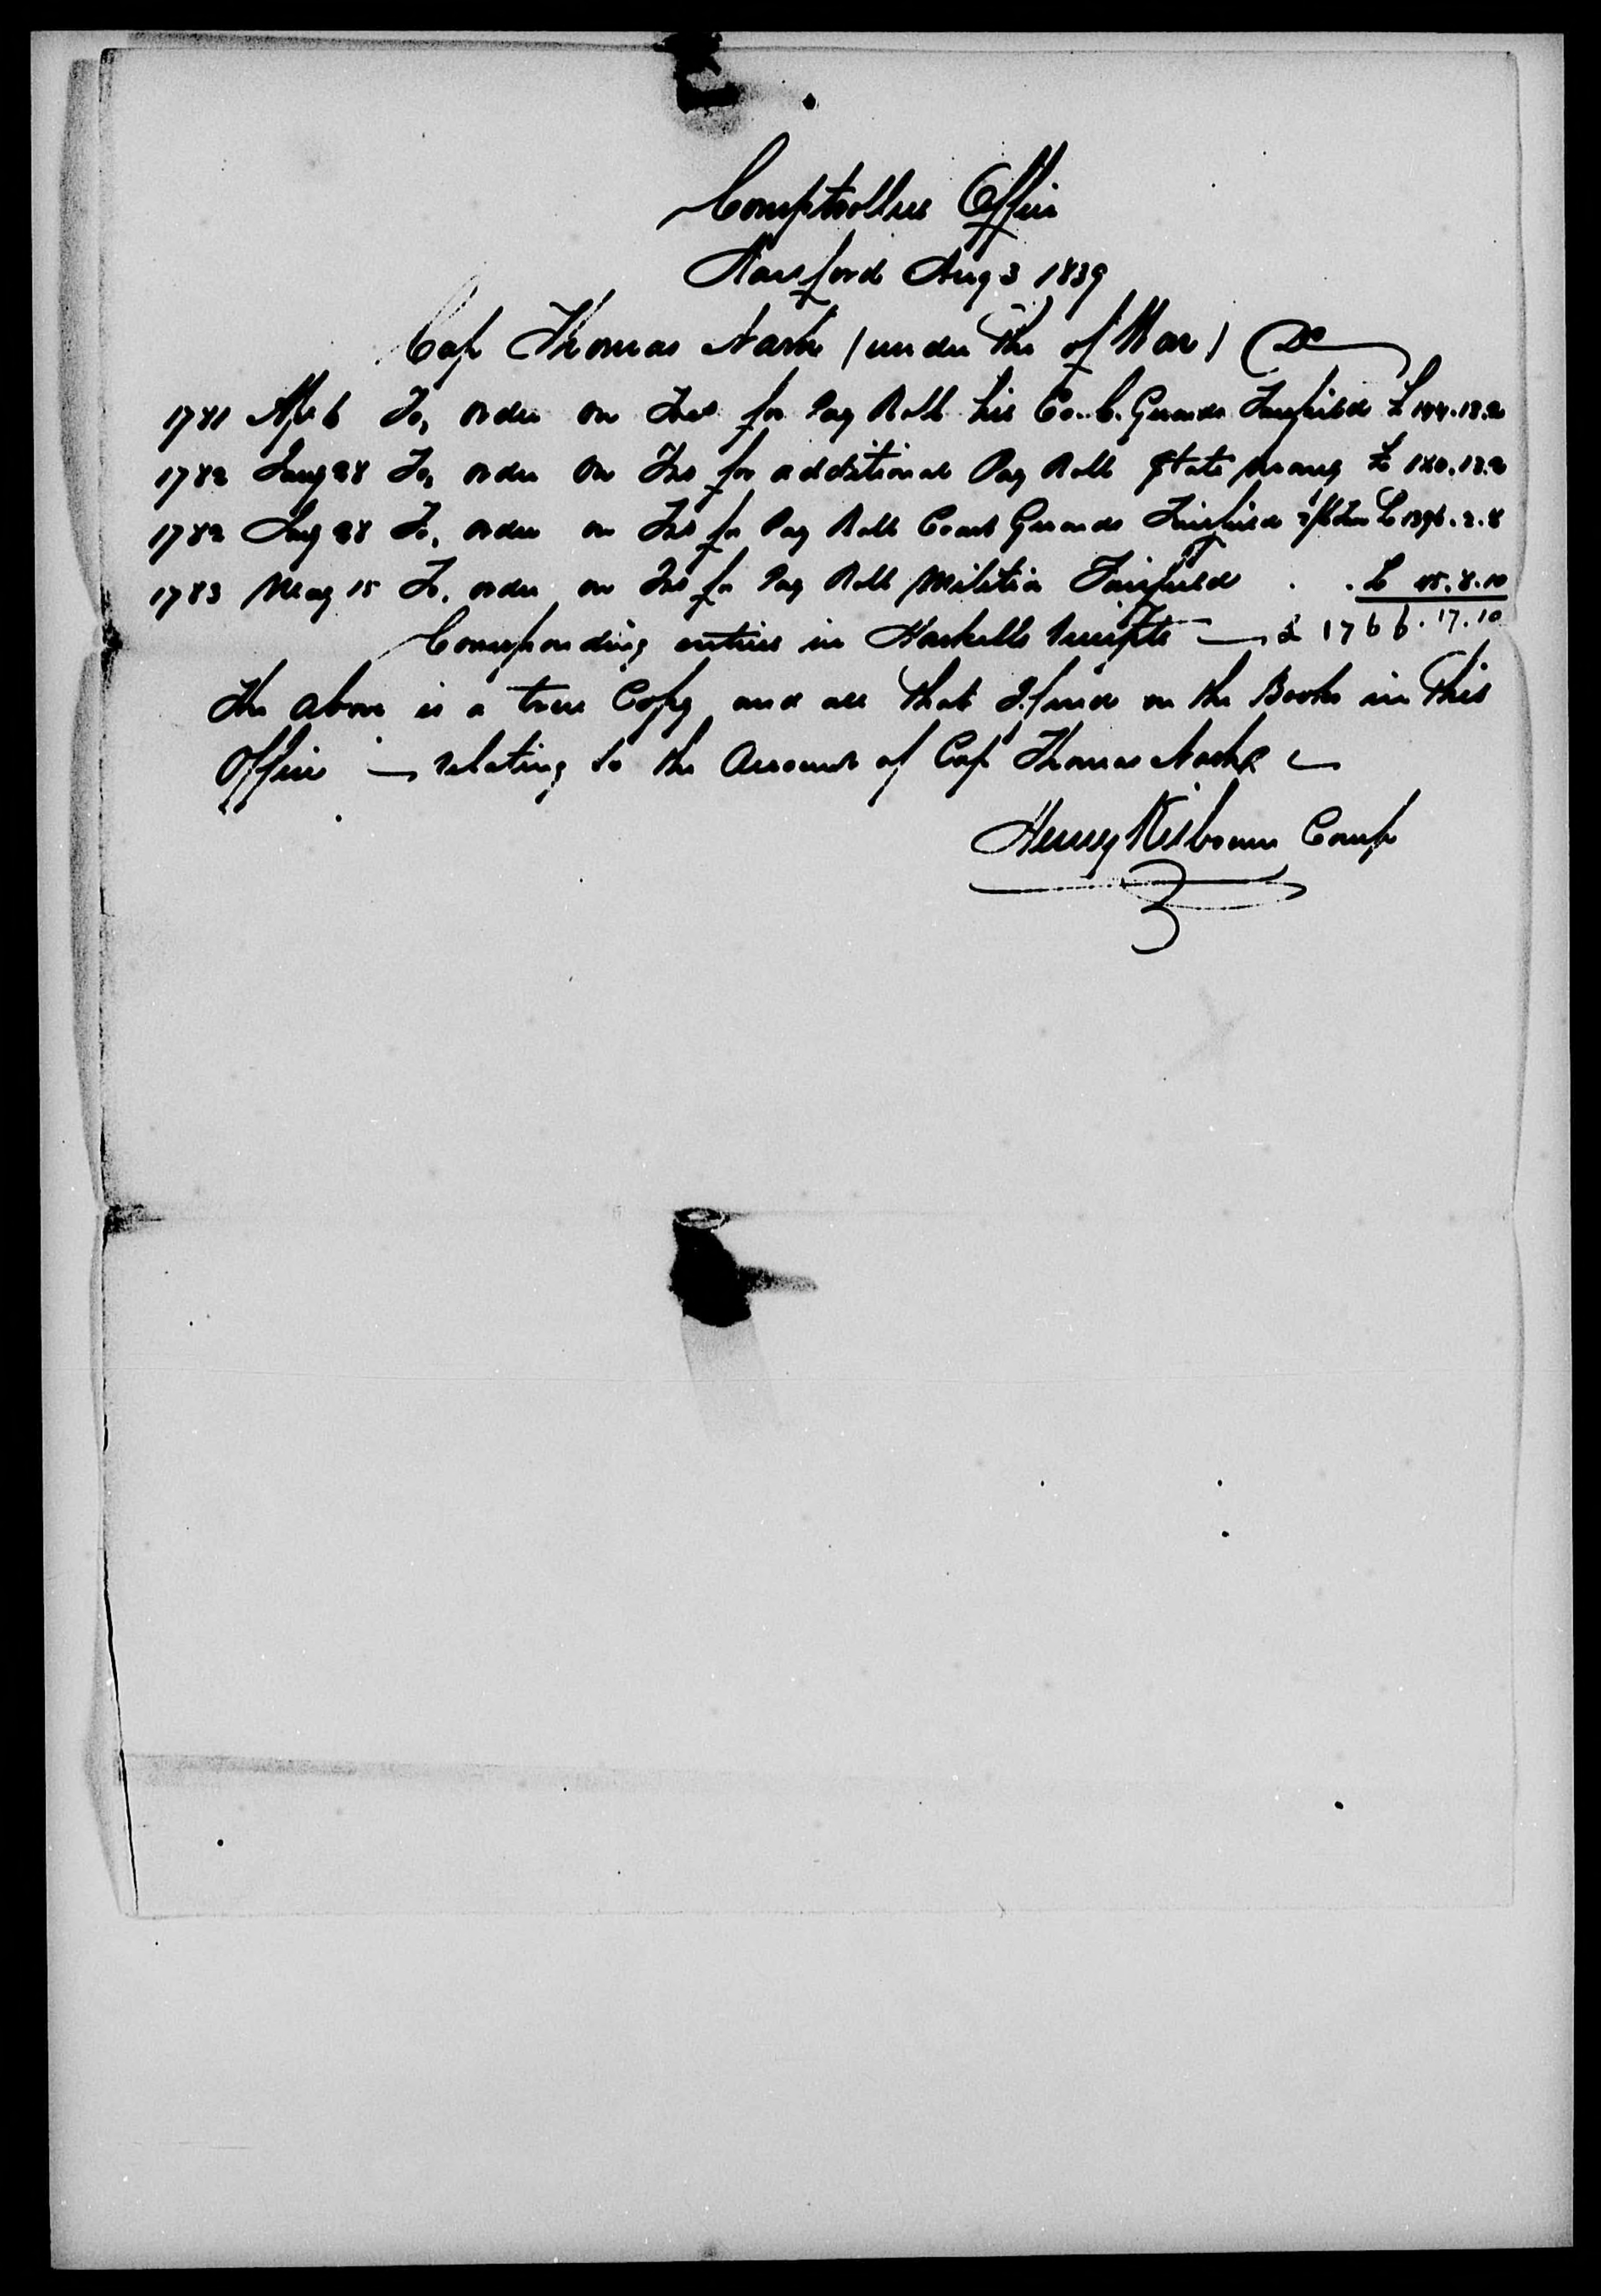Comptrollers Office
Hartford Aug 1839
Cap Thomas Nash under the of War DC
1781 Feb 6 to order on this for Pay Roll his Guard his Co. [illegible] £144.13.2
1782 Jany 28 to order on this for additional Pay Roll State [illegible] £180.13.2
1782 Jany 28 to order on this for Pay Roll Conn Guards [illegible] £1396.2.8
1783 May 15 to order on this for Pay Roll Militia Fairfield £45.8.10
Compounding entries in Harkells receipts £1766.17.10
The above is a true copy and all that I found on the Books in this
Office relating to the account of Cap Thomas Nash
Henry Kilbourn Comp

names: Thomas Nash, Henry Kilbourn, Thomas Nash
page: 16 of 69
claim: widow's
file: W. 25562, Abijah Elwood, Conn.